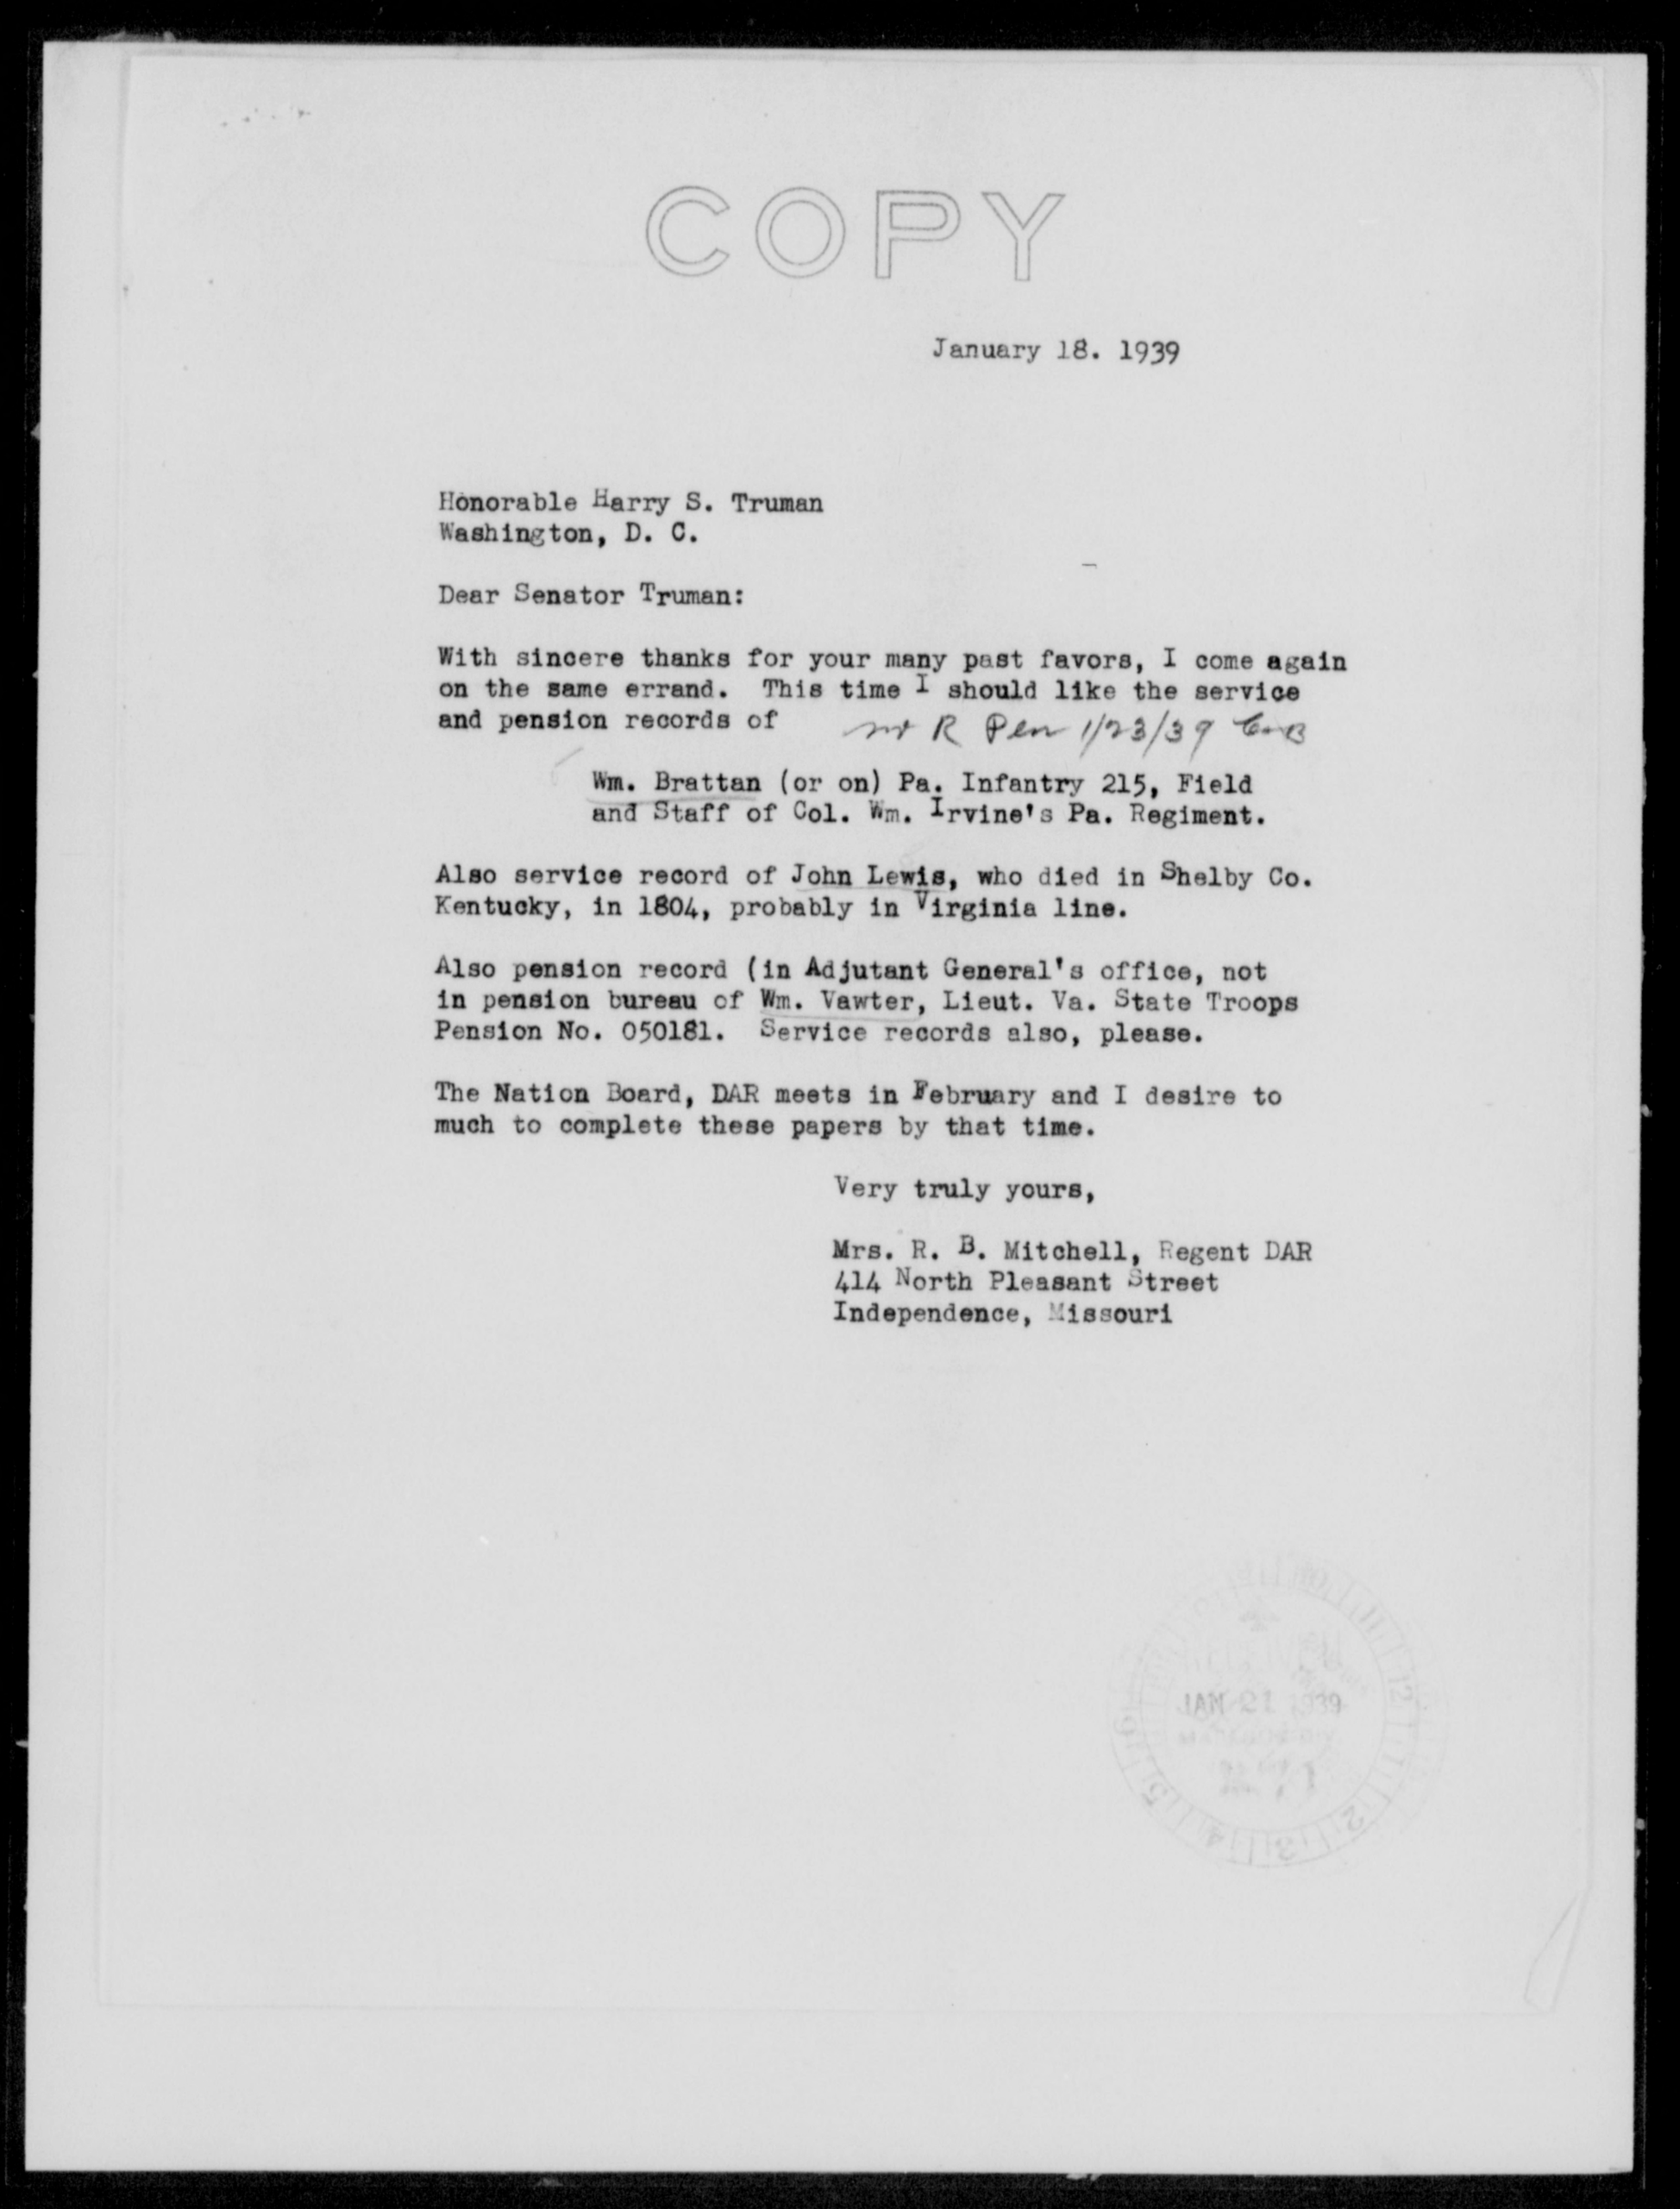COPY
January 18, 1939
Honorable Harry S. Truman
Washington, D. C.

Dear Senator Truman:

With sincere thanks for your many past favors, I come again
on the same errand. This time I should like the service
and pension records of
R Pen 1/23 /39 CB

Wm. Brattan (or on) Pa. Infantry 215, Field
and Staff of Col. Wm. Irvine's Pa. Regiment.

Also service record of John Lewis, who died in Shelby Co.
Kentucky, in 1804, probably in Virginia line.

Also pension record (in Adjutant General's office, not
in pension bureau of Wm. Vawter, Lieut. Va. State Troops
Pension No. 050181. Service records also, please.

The Nation Board, DAR meets in February and I desire to
much to complete these papers by that time.

Very truly yours,

Mrs. R. B. Mitchell, Regent DAR
414 North Pleasant Street
Independence, Missouri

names: Harry S Truman, R B Mitchell, Wm Bratton, Wm Vawter, John Lewis, Truman, Wm Brattan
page: 36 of 51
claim: rejected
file: R. 10,921, William Vawter, Va.